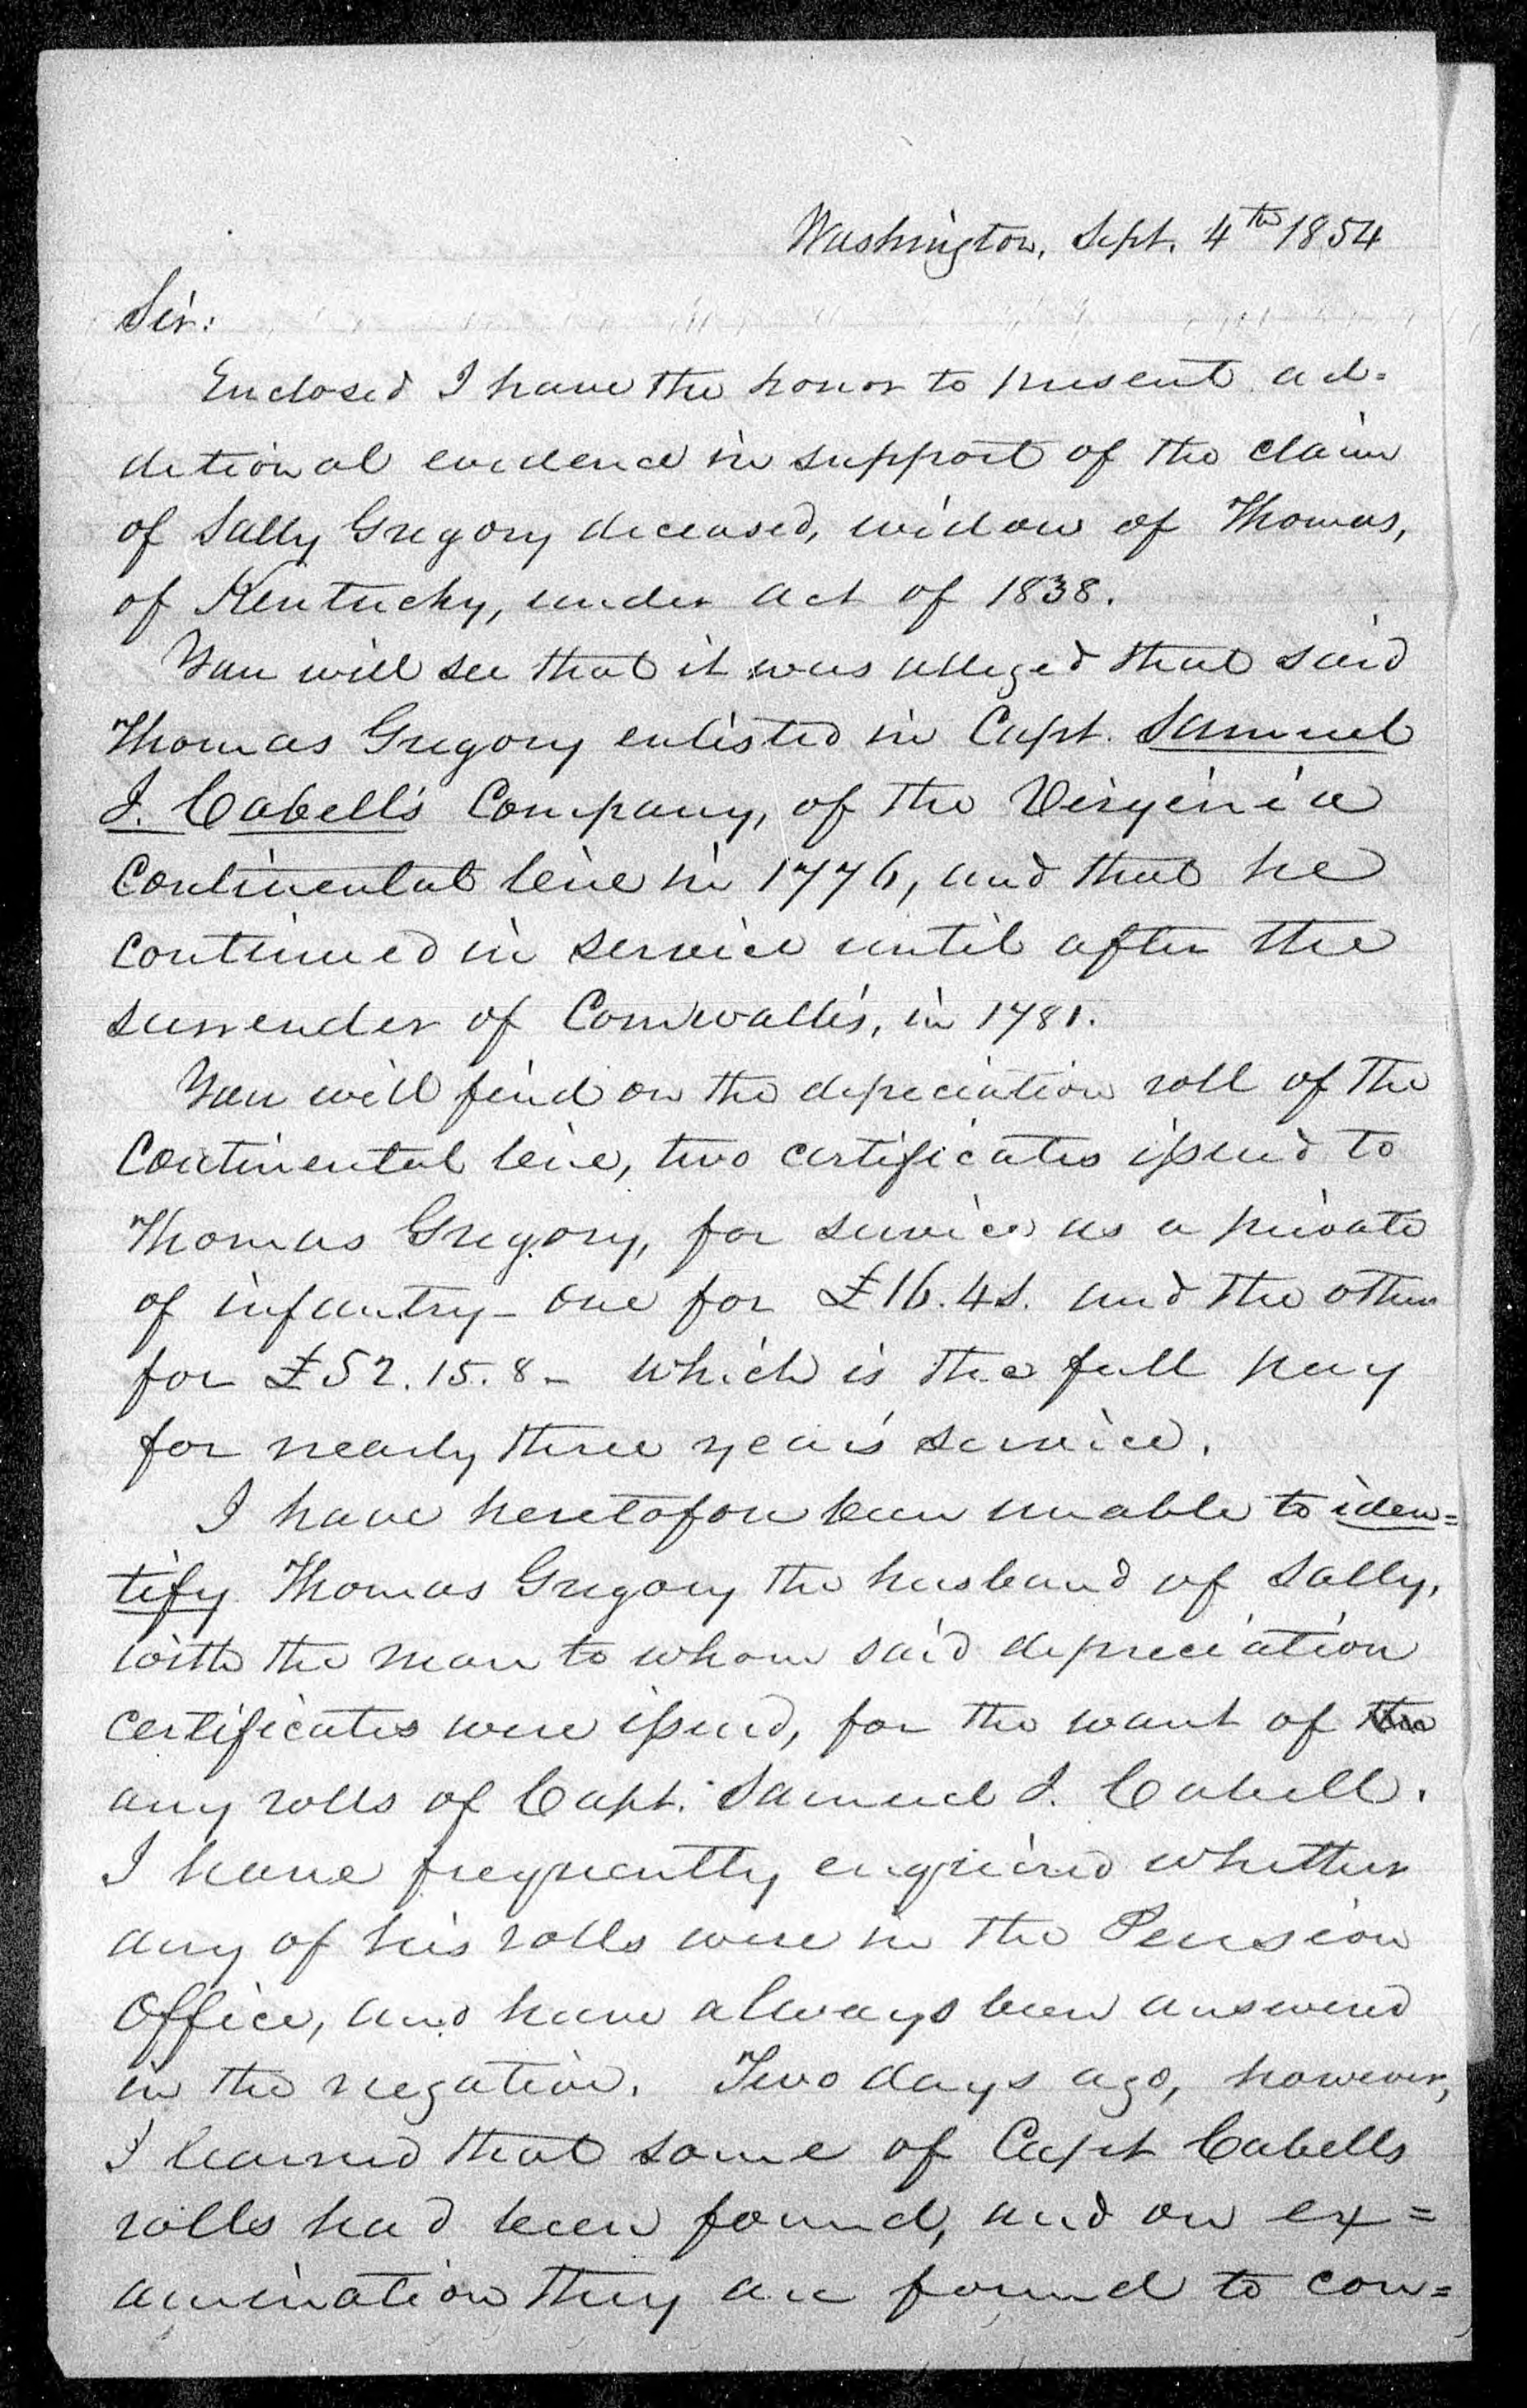Washington, Sept. 4th 1854

Sir:
Enclosed I have the honor to present additional evidence in support of the claim of Sally Gregory deceased, widow of Thomas, of Kentucky, under act of 1838.
You will see that it was alleged that said Thomas Gregory enlisted in Capt. Samuel J. Cabell's Company, of the Virginia Continental line in 1776, and that he continued in service until after the surrender of Cornwallis, in 1781.
You will find on the depreciation roll of the Continental line, two certificates issued to Thomas Gregory, for service as a private of infantry--one for £16.4s. and the other for £52.15.8--which is the full pay for nearly three year's service.
I have heretofore been unable to identify Thomas Gregory the husband of Sally, with the man to whom said depreciation certificates were issued, for the want of [crossed out: the] any rolls of Capt. Samuel J. Cabell.  I have frequently enquired whether any of his rolls were in the Pension Office, and have always been answered in the negative.  Two days ago, however, I learned that some of Capt Cabells rolls had been found, and on examination they are found to con-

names: Thomas Gregory, Thomas Gregory, Thomas Gregory, Samuel J Cabell, Cornwallis, Cabells, Thomas Gregory, Sally, Sally Gregory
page: 26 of 75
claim: widow's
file: W. 8876, Thomas Gregory, Continental Va